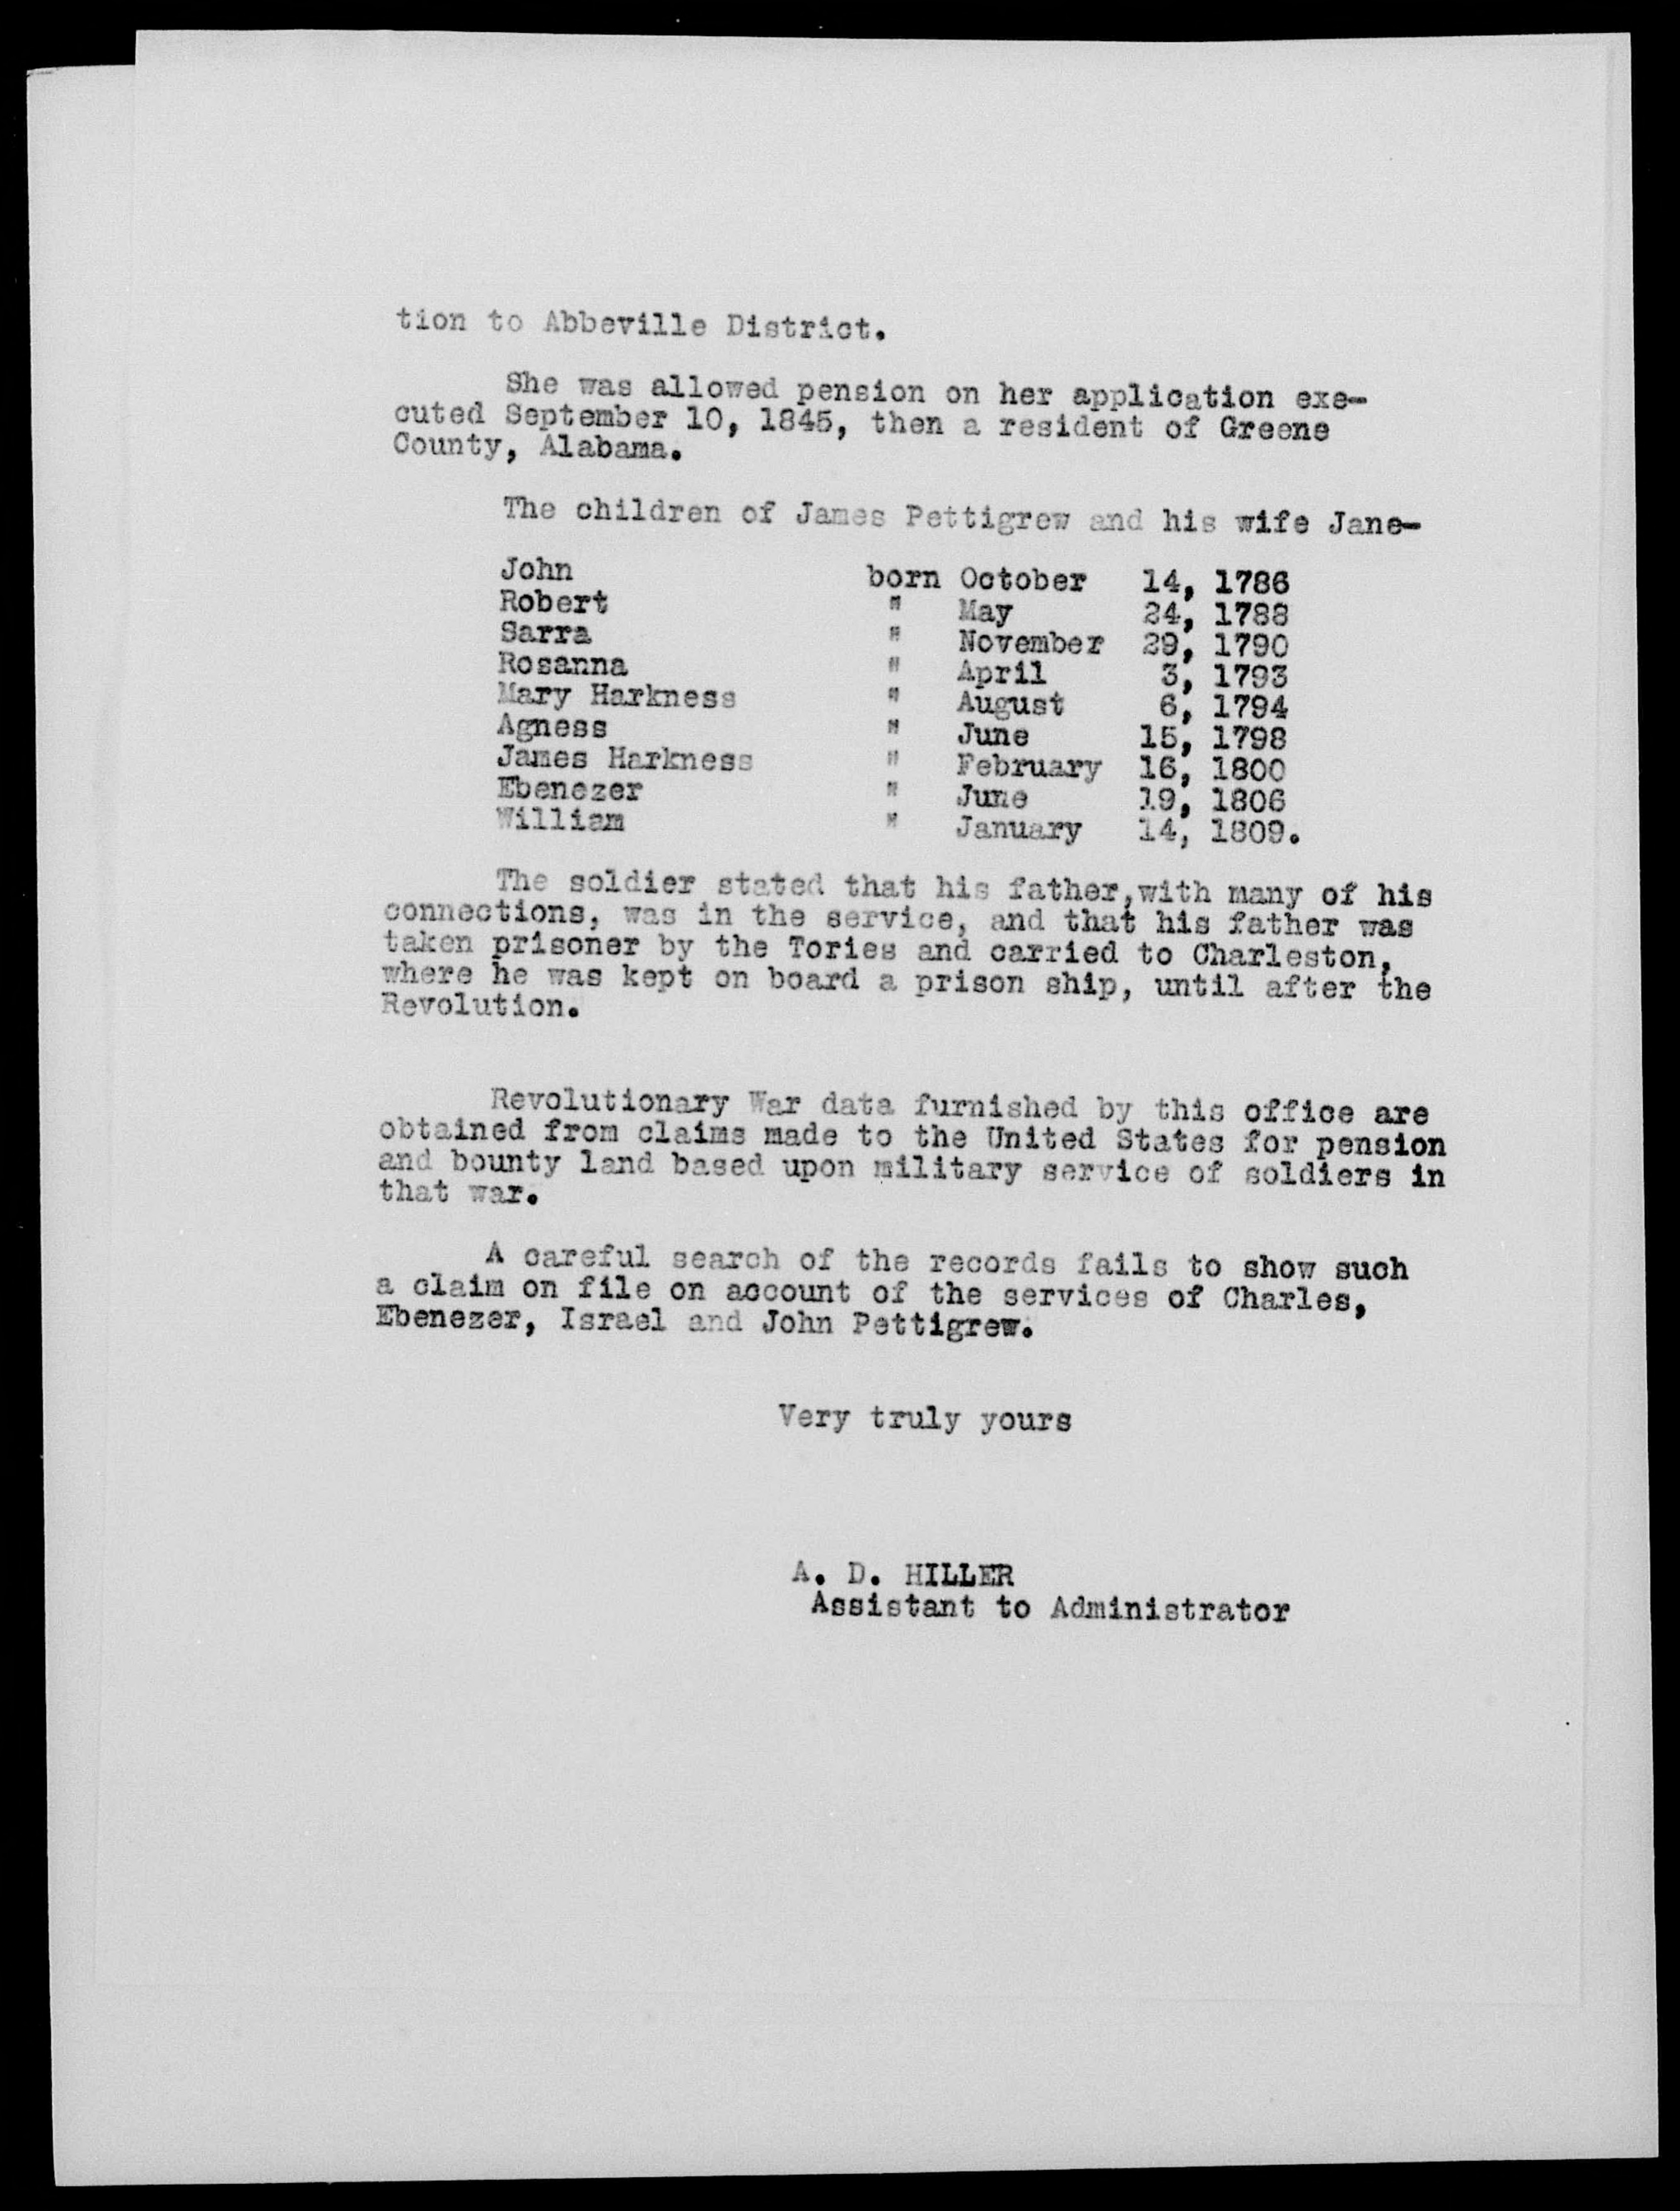tion to Abbeville District.

She was allowed pension on her application
executed September 10, 1845, then a resident of Greene County, Alabama.

The children of James Pettigrew and his wife Jane-.

John  born October 14, 1786
Robert [ditto mark] May 24, 1788
Sarra [ditto mark] November 29, 1790
Rosanna [ditto mark] April 3, 1793
Mary Harkness [ditto mark] August 6, 1794
Agness [ditto mark] June 15, 1798
James Harkness [ditto mark] February 16, 1800
Ebenezer [ditto mark] June 19, 1806
William [ditto mark] January 14, 1809.

The soldier stated that his father, with many of his connections, was in the service, and that his father was taken prisoner by the Tories and carried to Charleston, where he was kept on board a prison ship, until after the Revolution.

Revolutionary War data furnished by this office are
obtained from claims made to the United States for pension
and bounty land based upon military service of soldiers in that war.

A careful search of the records fails to show such 
a claim on file on account of the services of Charles,
Ebenezer, Israel and John Pettigrew.

Very truly yours

A. D. HILLER
Assistant to Administrator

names: Agness [BLANK]; Sarra [BLANK]; William [BLANK]; John Pettigrew; John [BLANK]; James Pettigrew; Jane [BLANK]; A D Hiller; James Harkness [BLANK]; Rosanna [BLANK]; Ebenezer [BLANK]; Charles Pettigrew; Israel Pettigrew; Mary Harkness [BLANK]; Robert [BLANK]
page: 84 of 92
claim: widow's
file: W. 5522, for James Pettigrew, South Carolina